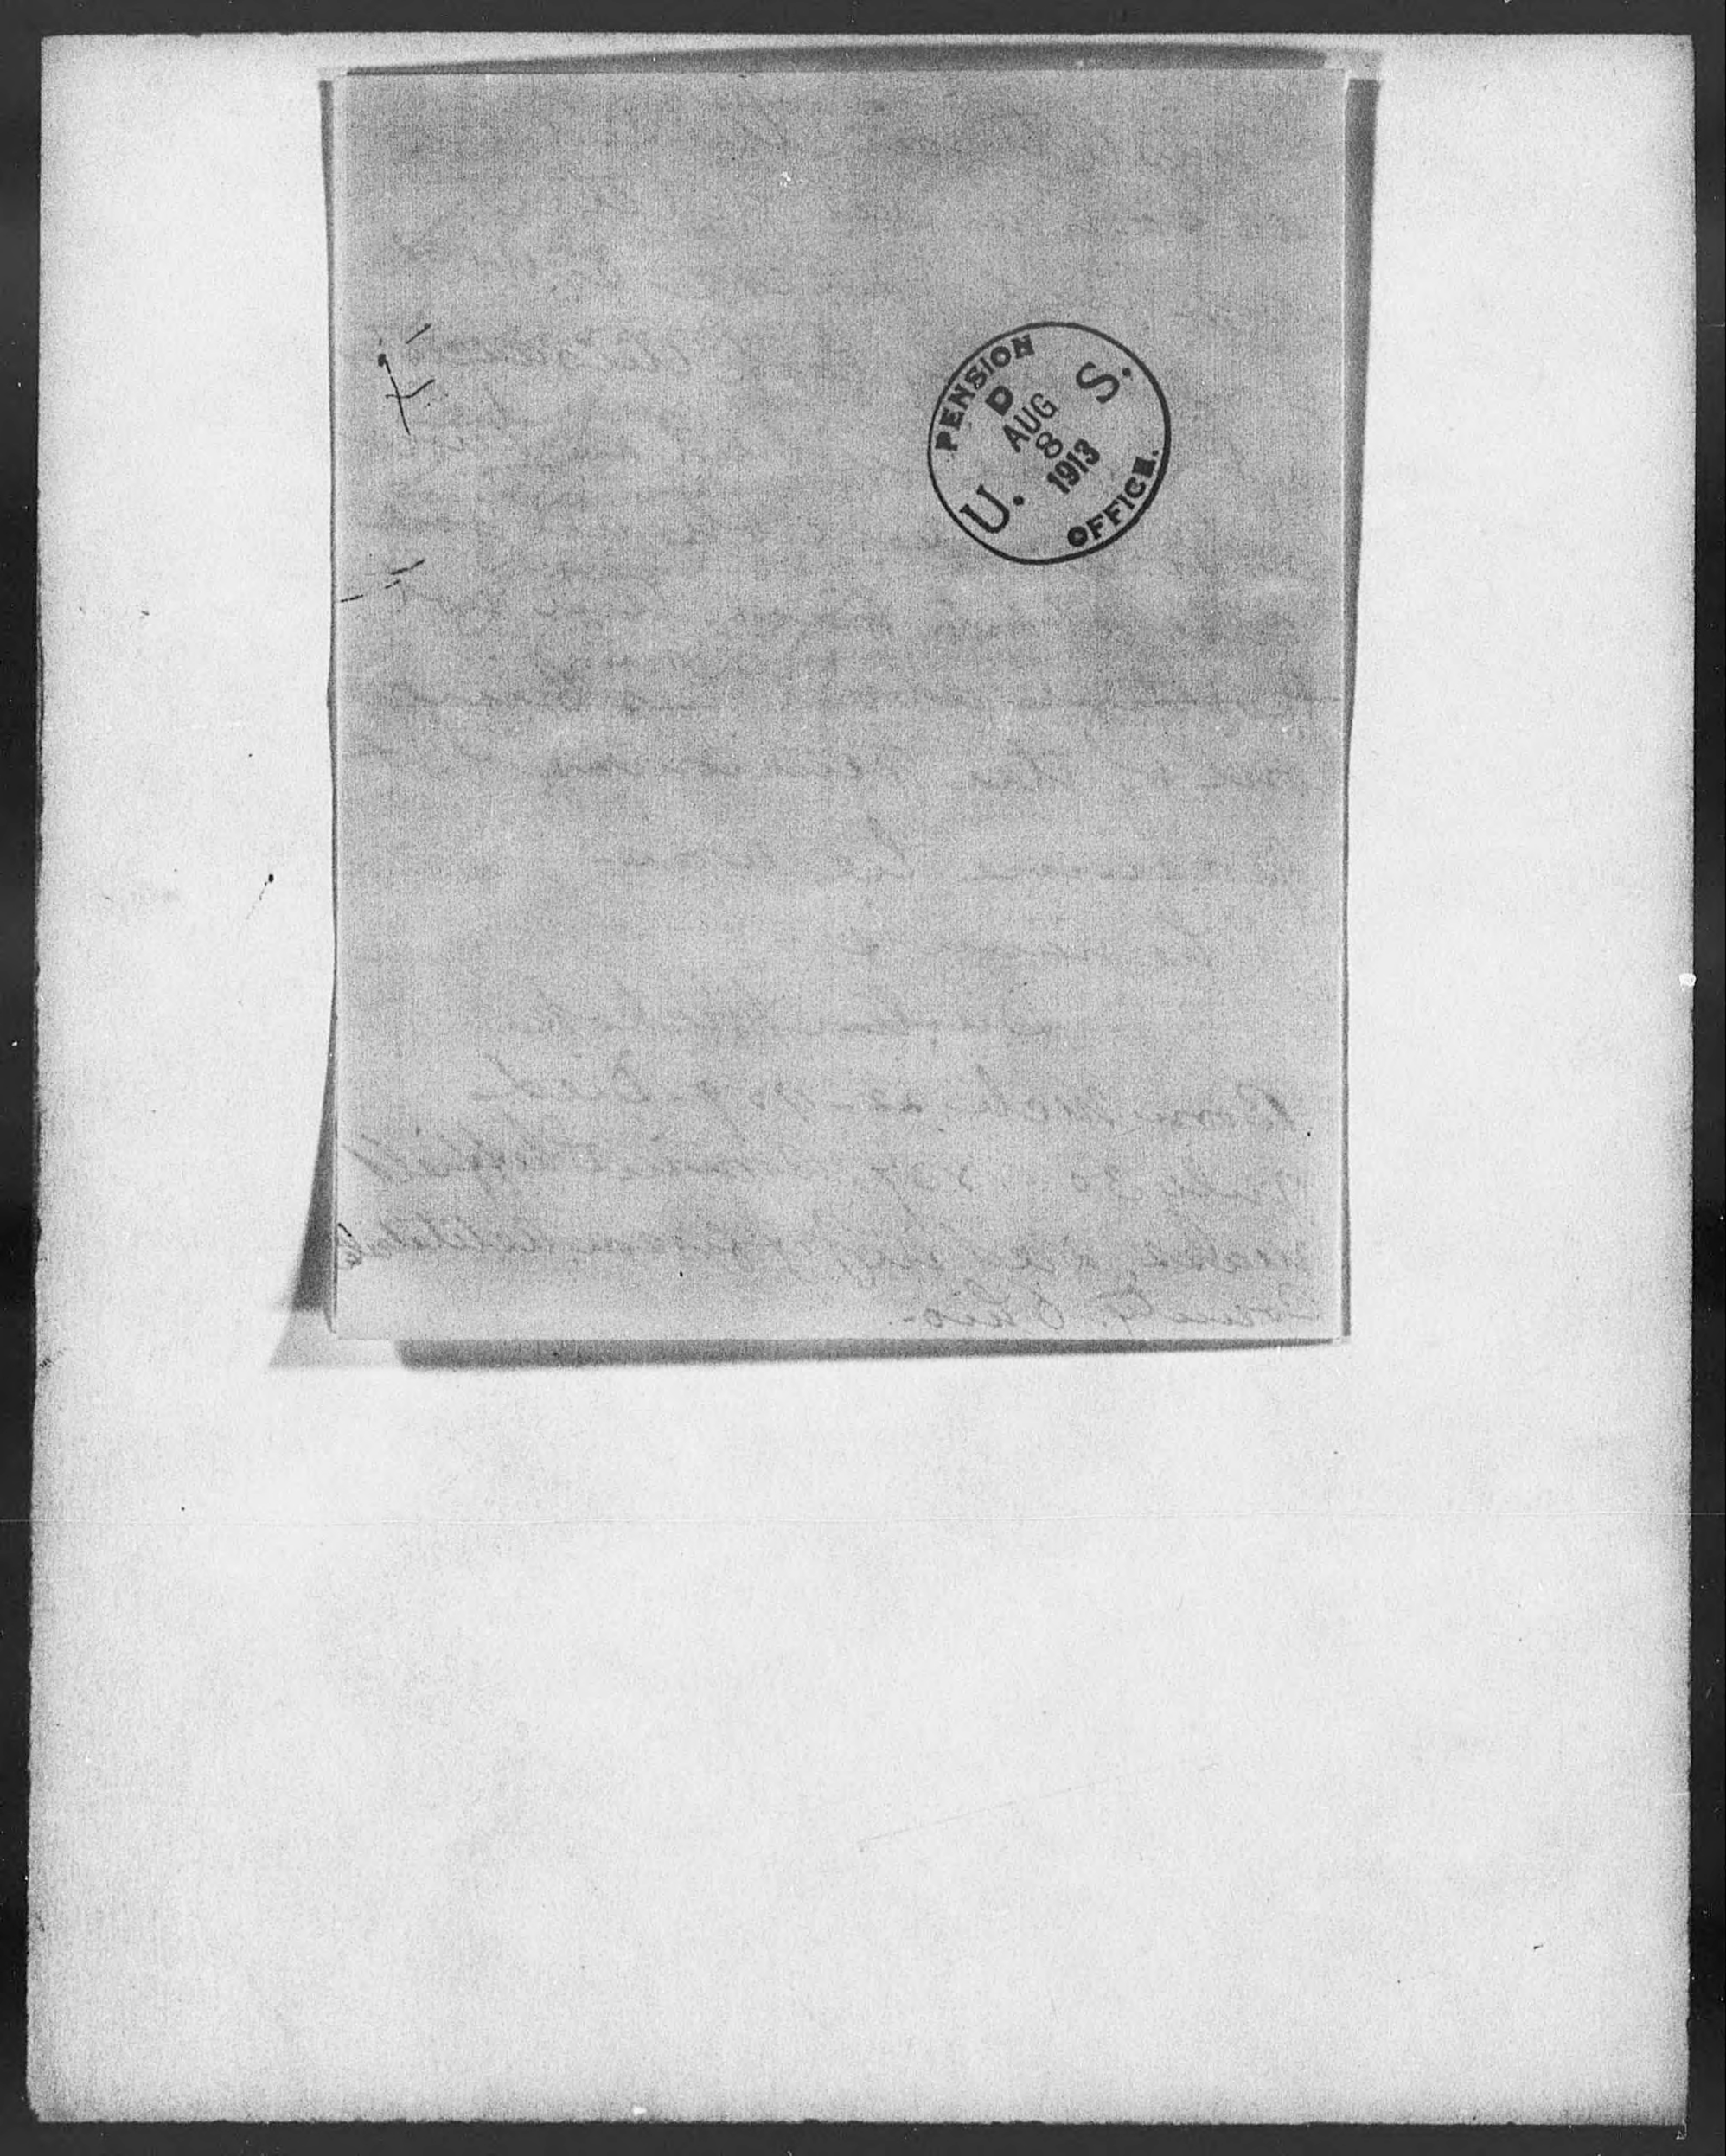[stamp] U.S. PENSION OFFICE.
D AUG 8 1913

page: 42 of 45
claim: widow's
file: W. 4988, Durlin Hickok, Mass.